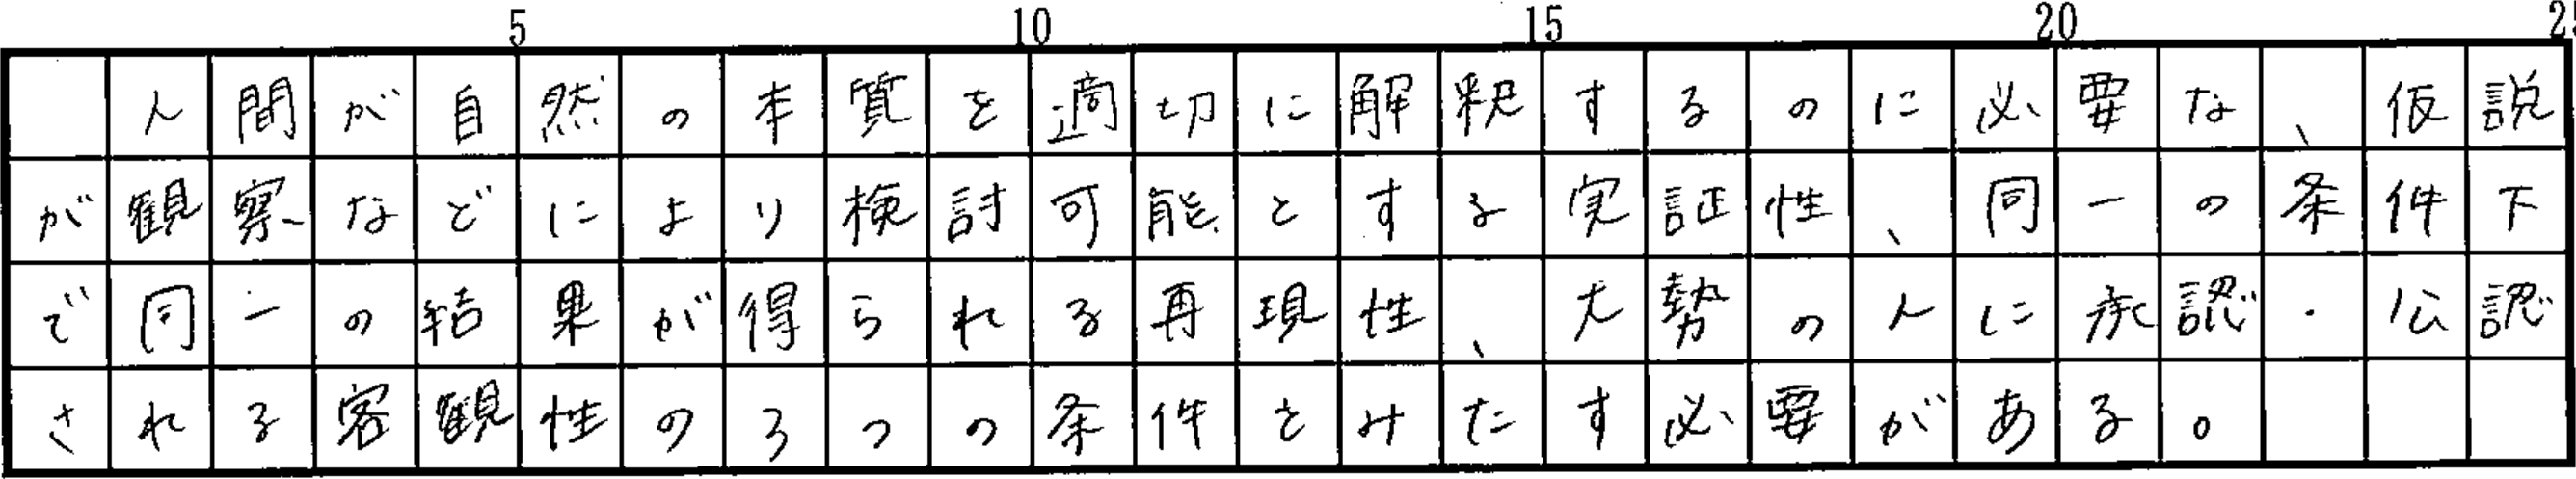　人間が自然の本質を適切に解釈するのに必要な、仮説が観察などにより検討可能とする実証性、同一の条件下で同一の結果が得られる再現性、大勢の人に承認・公認される客観性の３つの条件をみたす必要がある。
